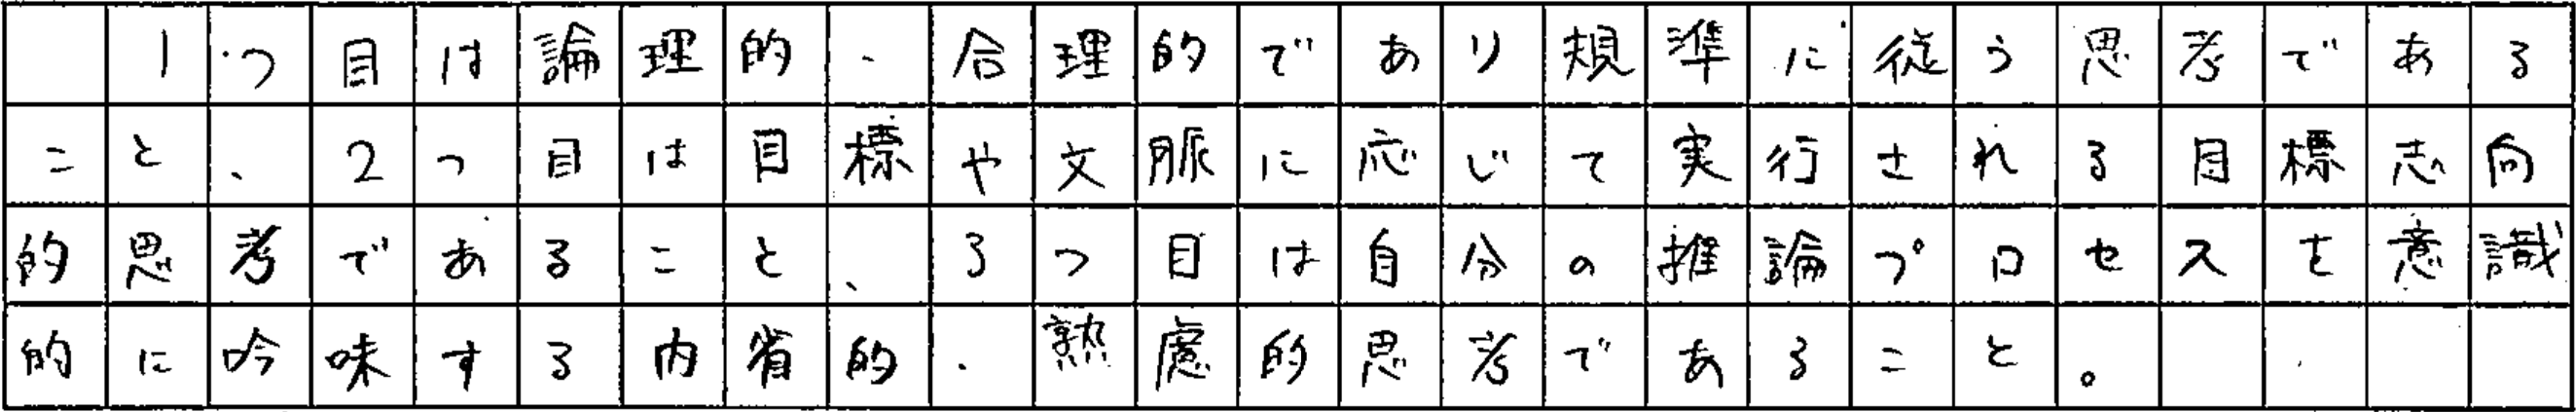　１つ目は論理的・合理的であり規準に従う思考であること、２つ目は目標や文脈に応じて実行される目標志向的思考であること、３つ目は自分の推論プロセスを意識的に吟味する内省的、熟慮的思考であること。
